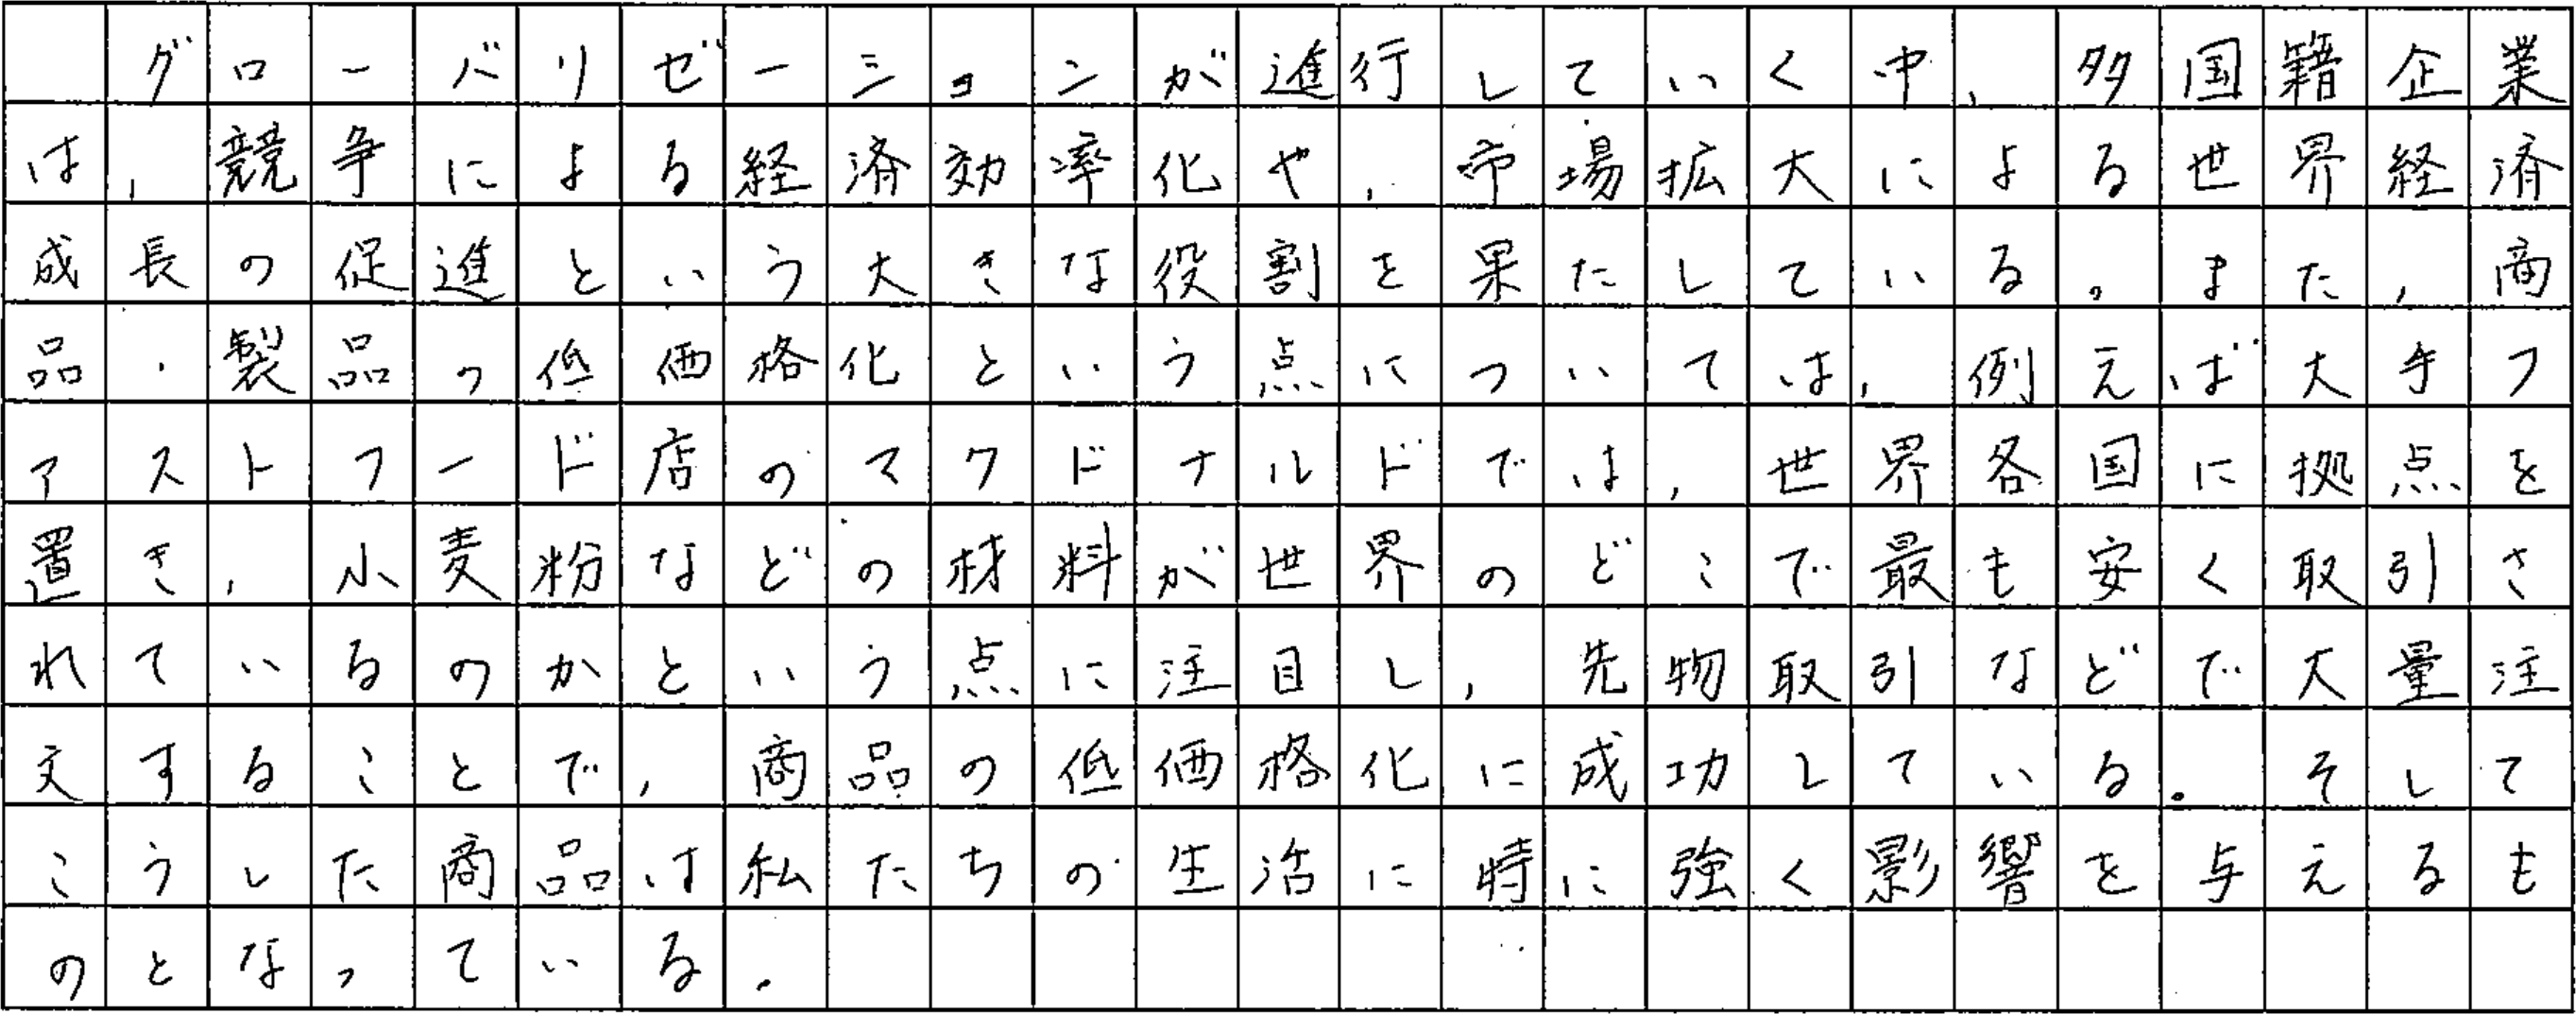  グローバリゼーションが進行していく中、多国籍企業は、競争による経済効率化や、市場拡大による世界経済成長の促進という大きな役割を果たしている。また、商品・製品の低価格化という点については、例えば大手ファストフード店のマクドナルドでは、世界各国に拠点を置き、小麦粉などの材料が世界のどこで安く取引されているのかという点に注目し、先物取引などで大量注文することで、商品の低価格化に成功している。そしてこうした商品は私たちの生活に特に強く影響を与えるものとなっている。
